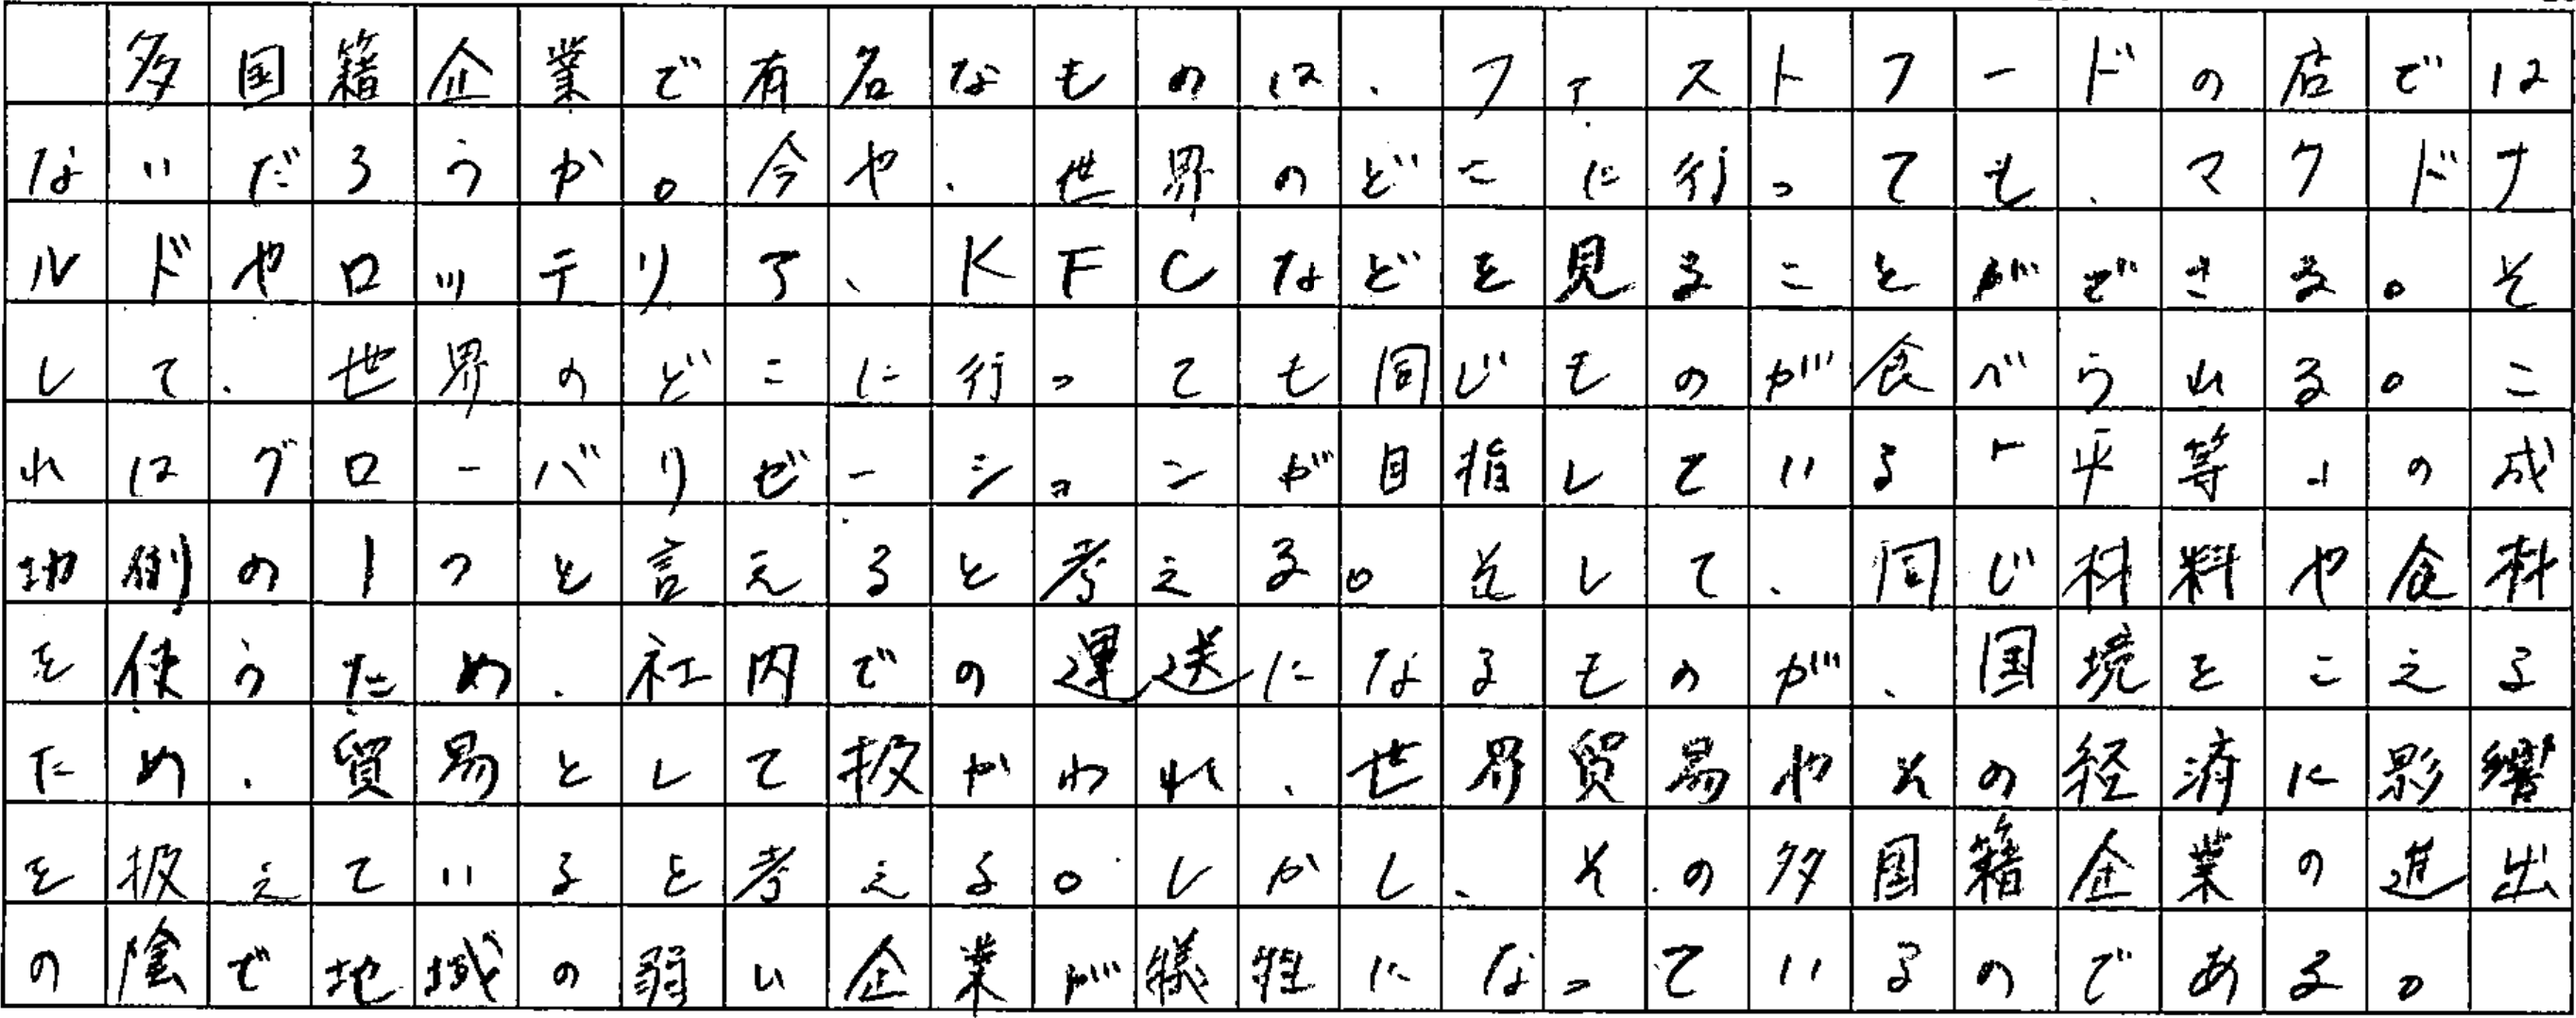　多国籍企業で有名なものは、ファストフードの店ではないだろうか。今や、世界のどこに行っても、マクドナルドやロッテリア、ＫＦＣなどを見ることができる。そして、世界のどこに行っても同じものが食べられる。これはグローバリゼーションが目指している「平等」の成功例の１つと言えると考える。そして、同じ材料や食材を使うため、社内での運送になるものが、国境をこえるため、貿易として扱かわれ、世界貿易やその経済に影響を扱えていると考える。しかし、その多国籍企業の進出の陰で地域の弱い企業が犠牲になっているのである。
